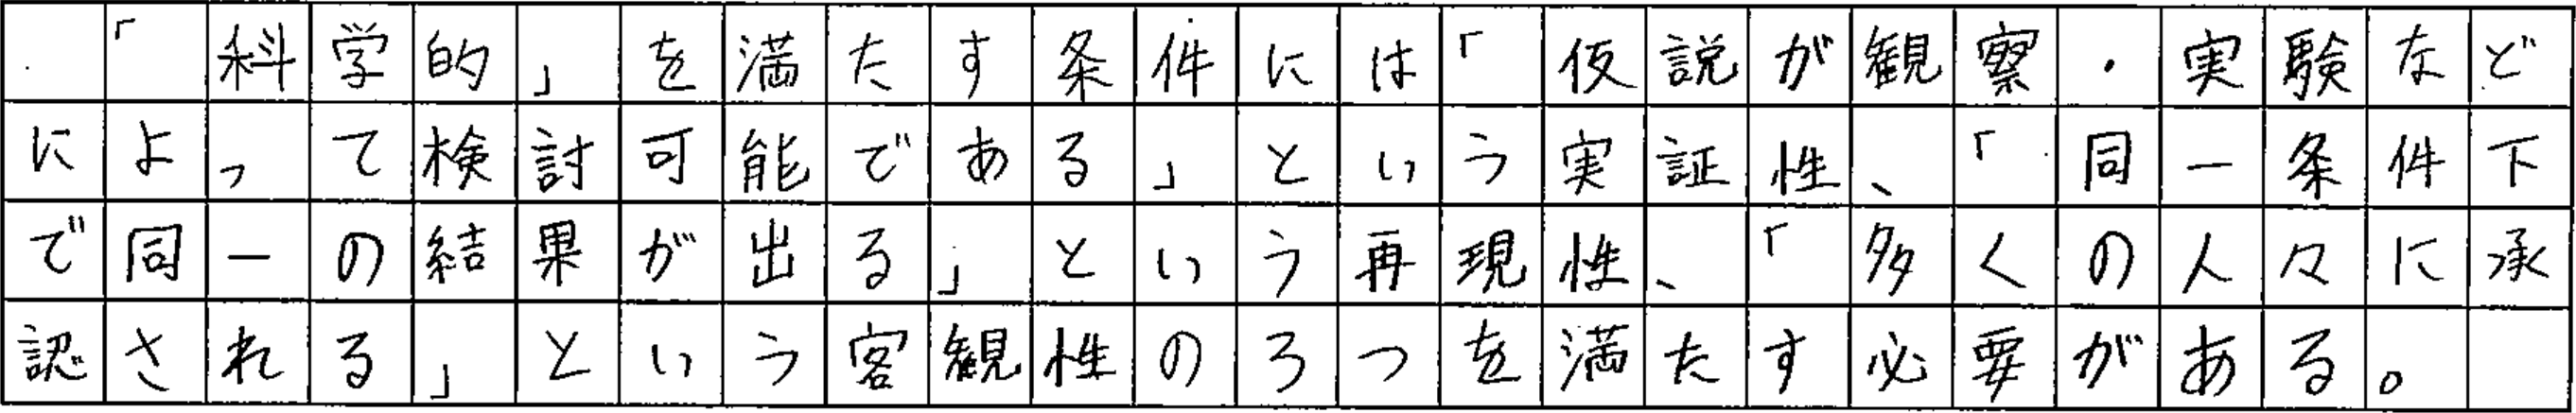　「科学的」を満たす条件には「仮説が観察・実験などによって検討可能である」という実証性、「同一条件下で同一の結果が出る」という再現性、「多くの人々に承認される」という客観性の３つを満たす必要がある。
